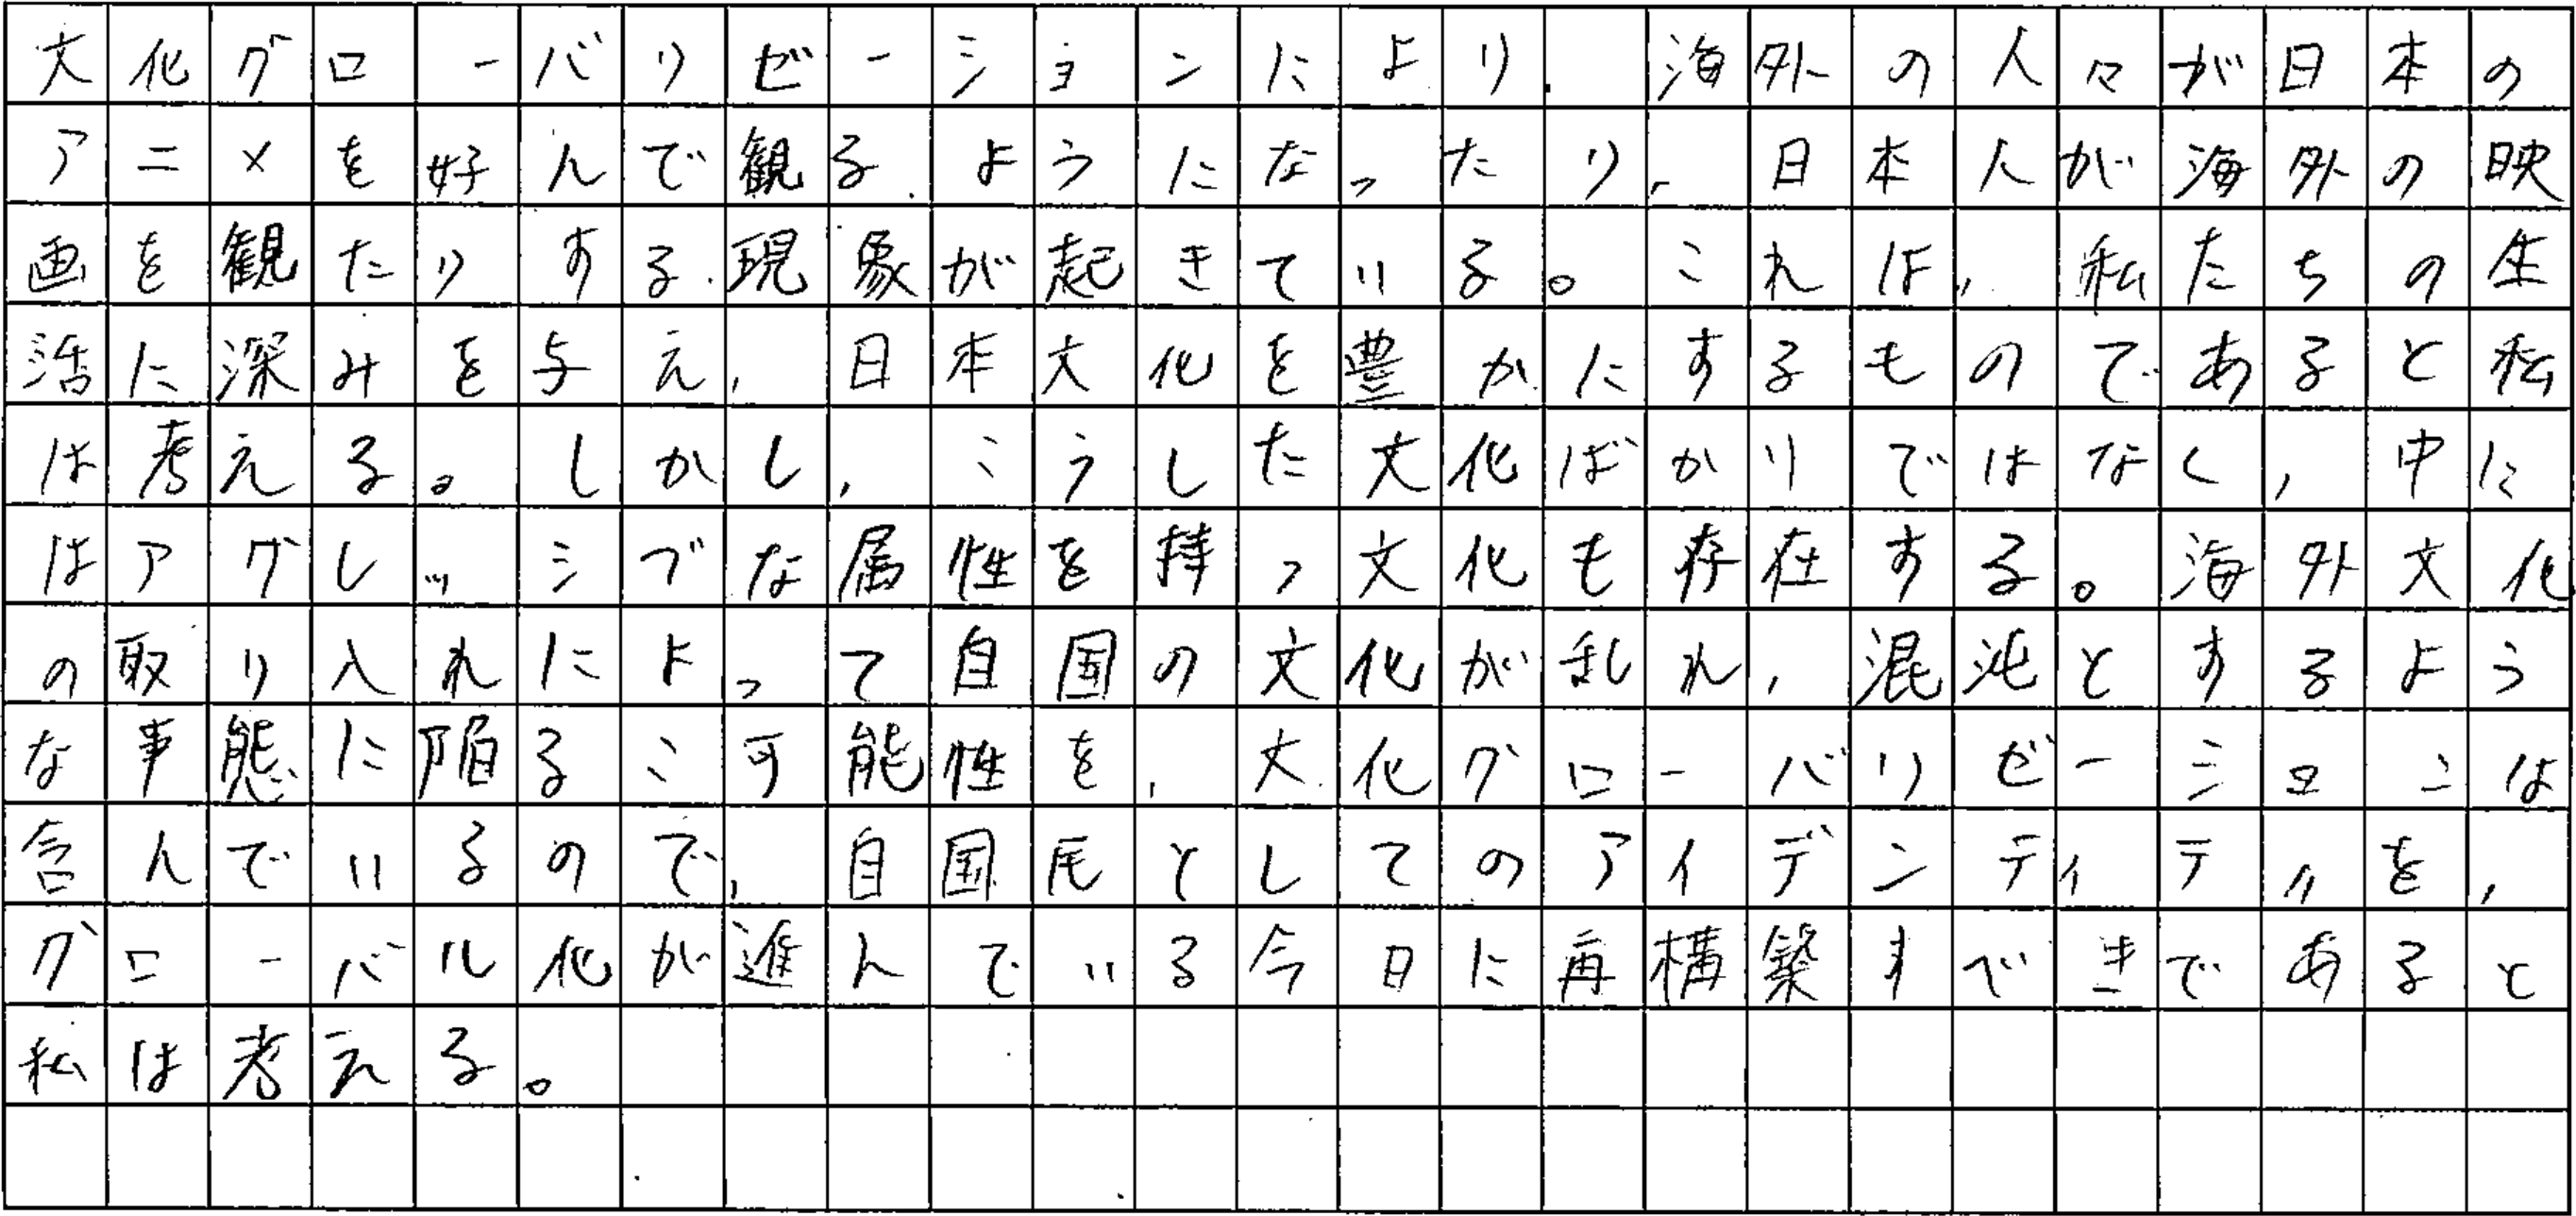文化グローバリゼーションにより、海外の人々が日本のアニメを好んで観るようになったり、日本人が海外の映画を観たりする現象が起きている。これは、私たちの生活に深みを与え、日本文化を豊かにするものであると私は考える。しかし、こうした文化ばかりではなく、中にはアグレッシブな属性を持つ文化も存在する。海外文化の取り入れによって自国の文化が乱れ、混沌とするような事態に陥るこ可能性を、文化グローバリゼーションは含んでいるので、自国民としてのアイデンティティを、グローバル化が進んでいる今日に再構築すべきであると私は考える。
